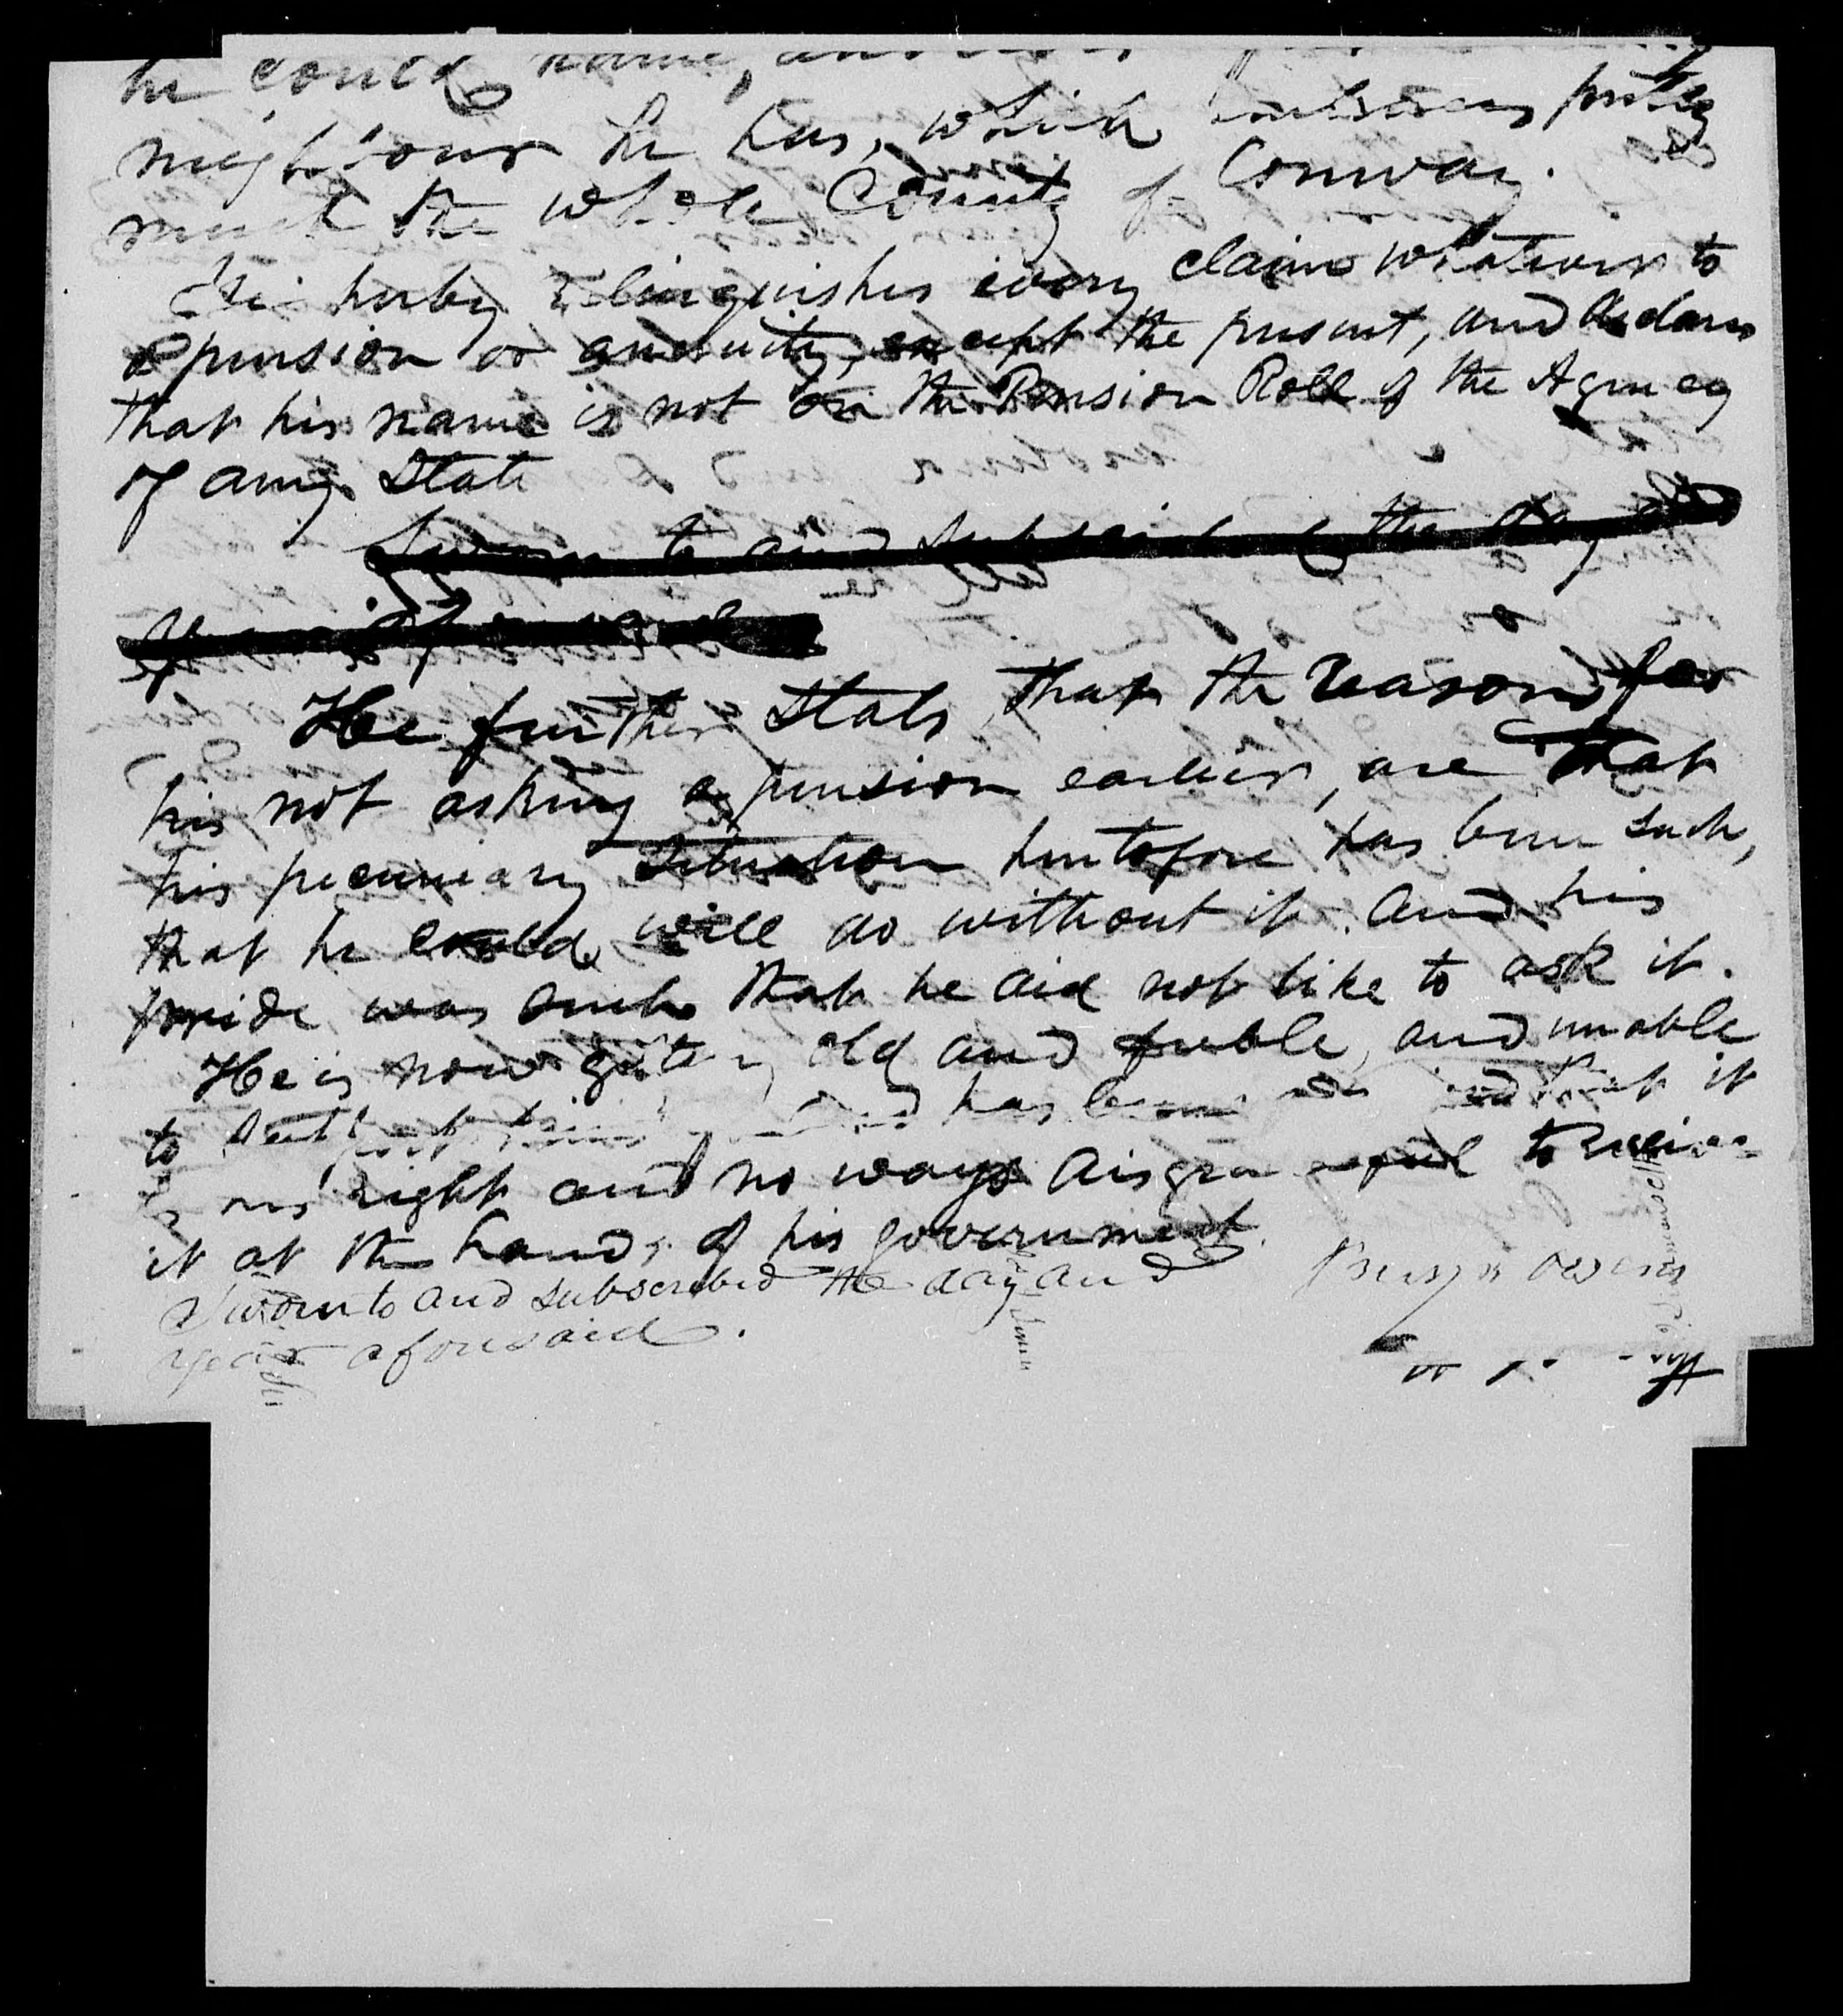he could name, [remainder of line cut off of image]
neighbour he has which military [illegible]
might the whole County of Conway.
He herby relinquishes every claim whatever to pension or annuity, except the present, and declares that his name is not on the Pension Roll of the Agency of any State
Sworn to and subscribed the day and year aforesaid [preceding words beginning with "Sworn" are lined through]
He further states that the reason for his not asking a pension earlier are that his pecuniary situation heretofore has been such, that he could well do without it.  And his pride was such that he did not like to ask it.
He is now getting old and feeble, and unable
to support himself and has become [illegible] that it is his right and no way disgraceful to receive it at the hands of his government.
Sworn to and subscribed the day and year aforesaid.  
Benjn Owens
[illegible]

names: Benja Owens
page: 10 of 28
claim: rejected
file: R. 7846, for Benjamin Owens, South Carolina